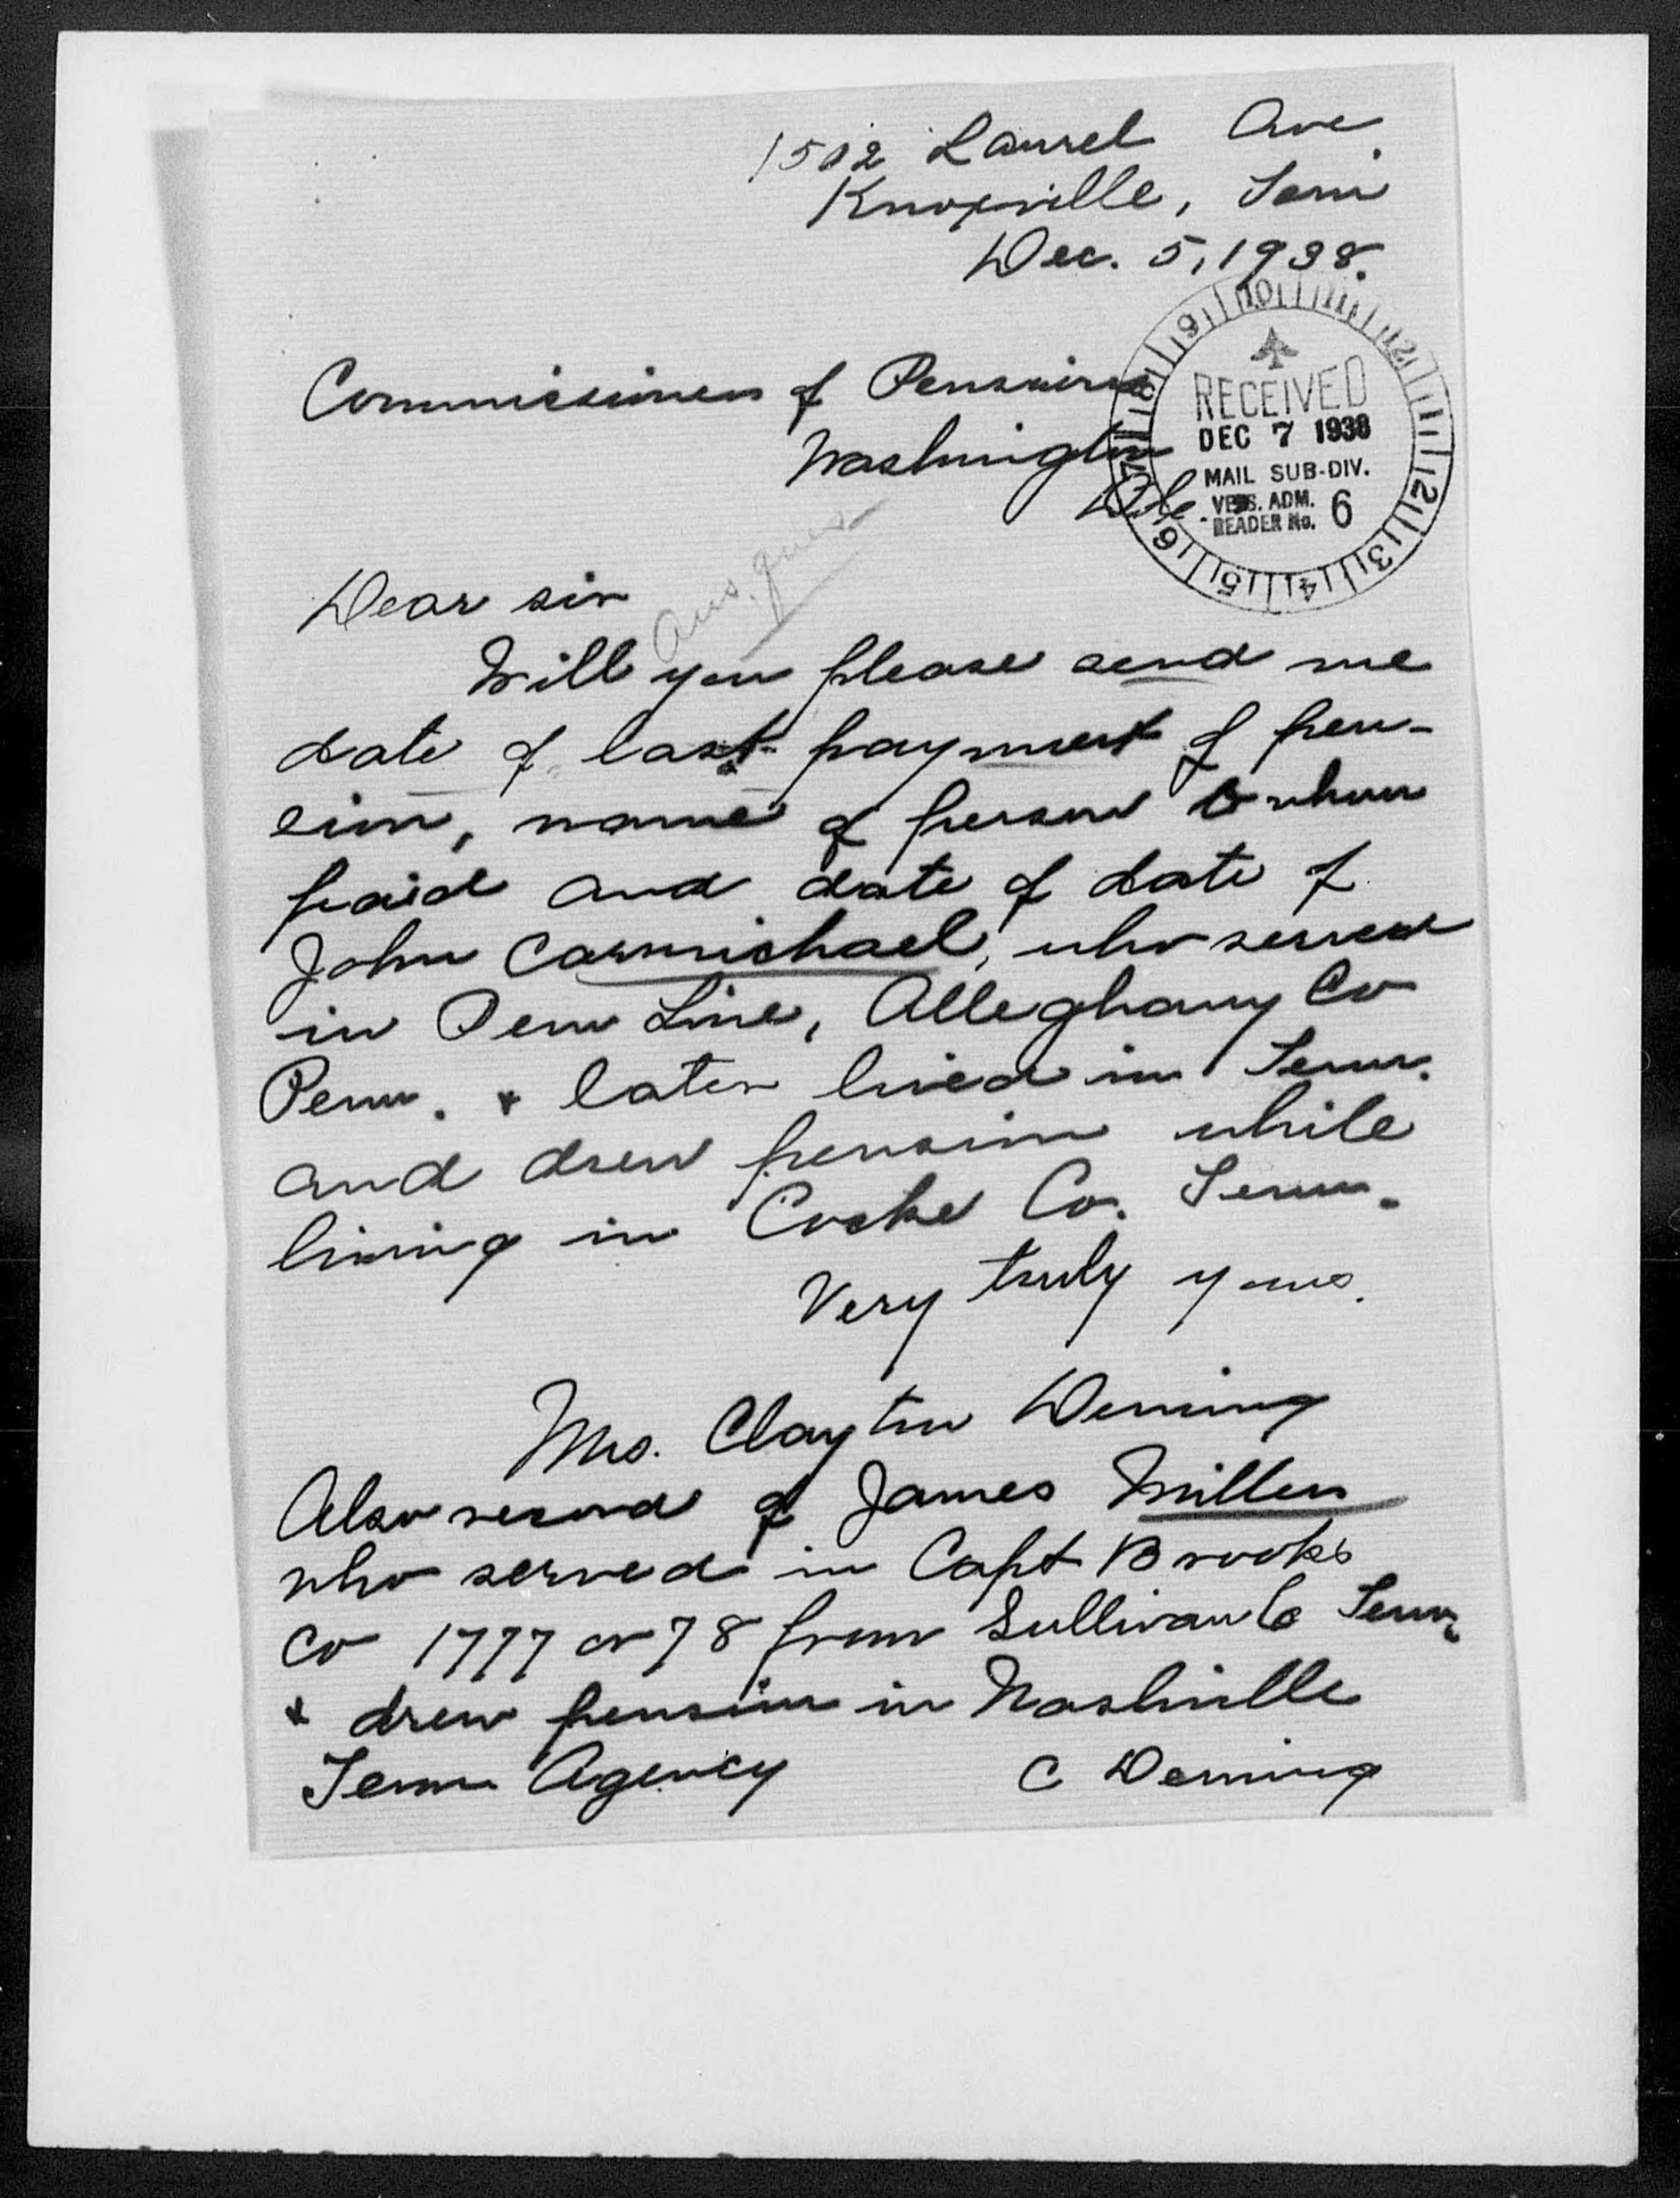1502 Laurel Ave 
Knoxville, Tenn
 Dec 5, 1938.
Commissioner of Pensions 
Washington, D.C. 
Dear Sir, 
Will you please send me date of last payment of pension, name of person to whom paid and date of death of John Carmichael, who served in Penn Line, Alleghany Co. Penn and later lived in Tenn. and drew pension while living in Cocke Co. Tenn. 

Very truly yours
Mrs. Clayton Deming
Also send of James Miller who served in Capt Brooks Co 1777 or 78 from Sullivan Co Tenn and drew pension in Nashville Tenn Agency 
C Deming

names: Clayton Deming, James Miller, John Carmichael, C Deming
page: 36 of 42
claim: survivor's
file: S. 31,595, John Carmickele, Penn.